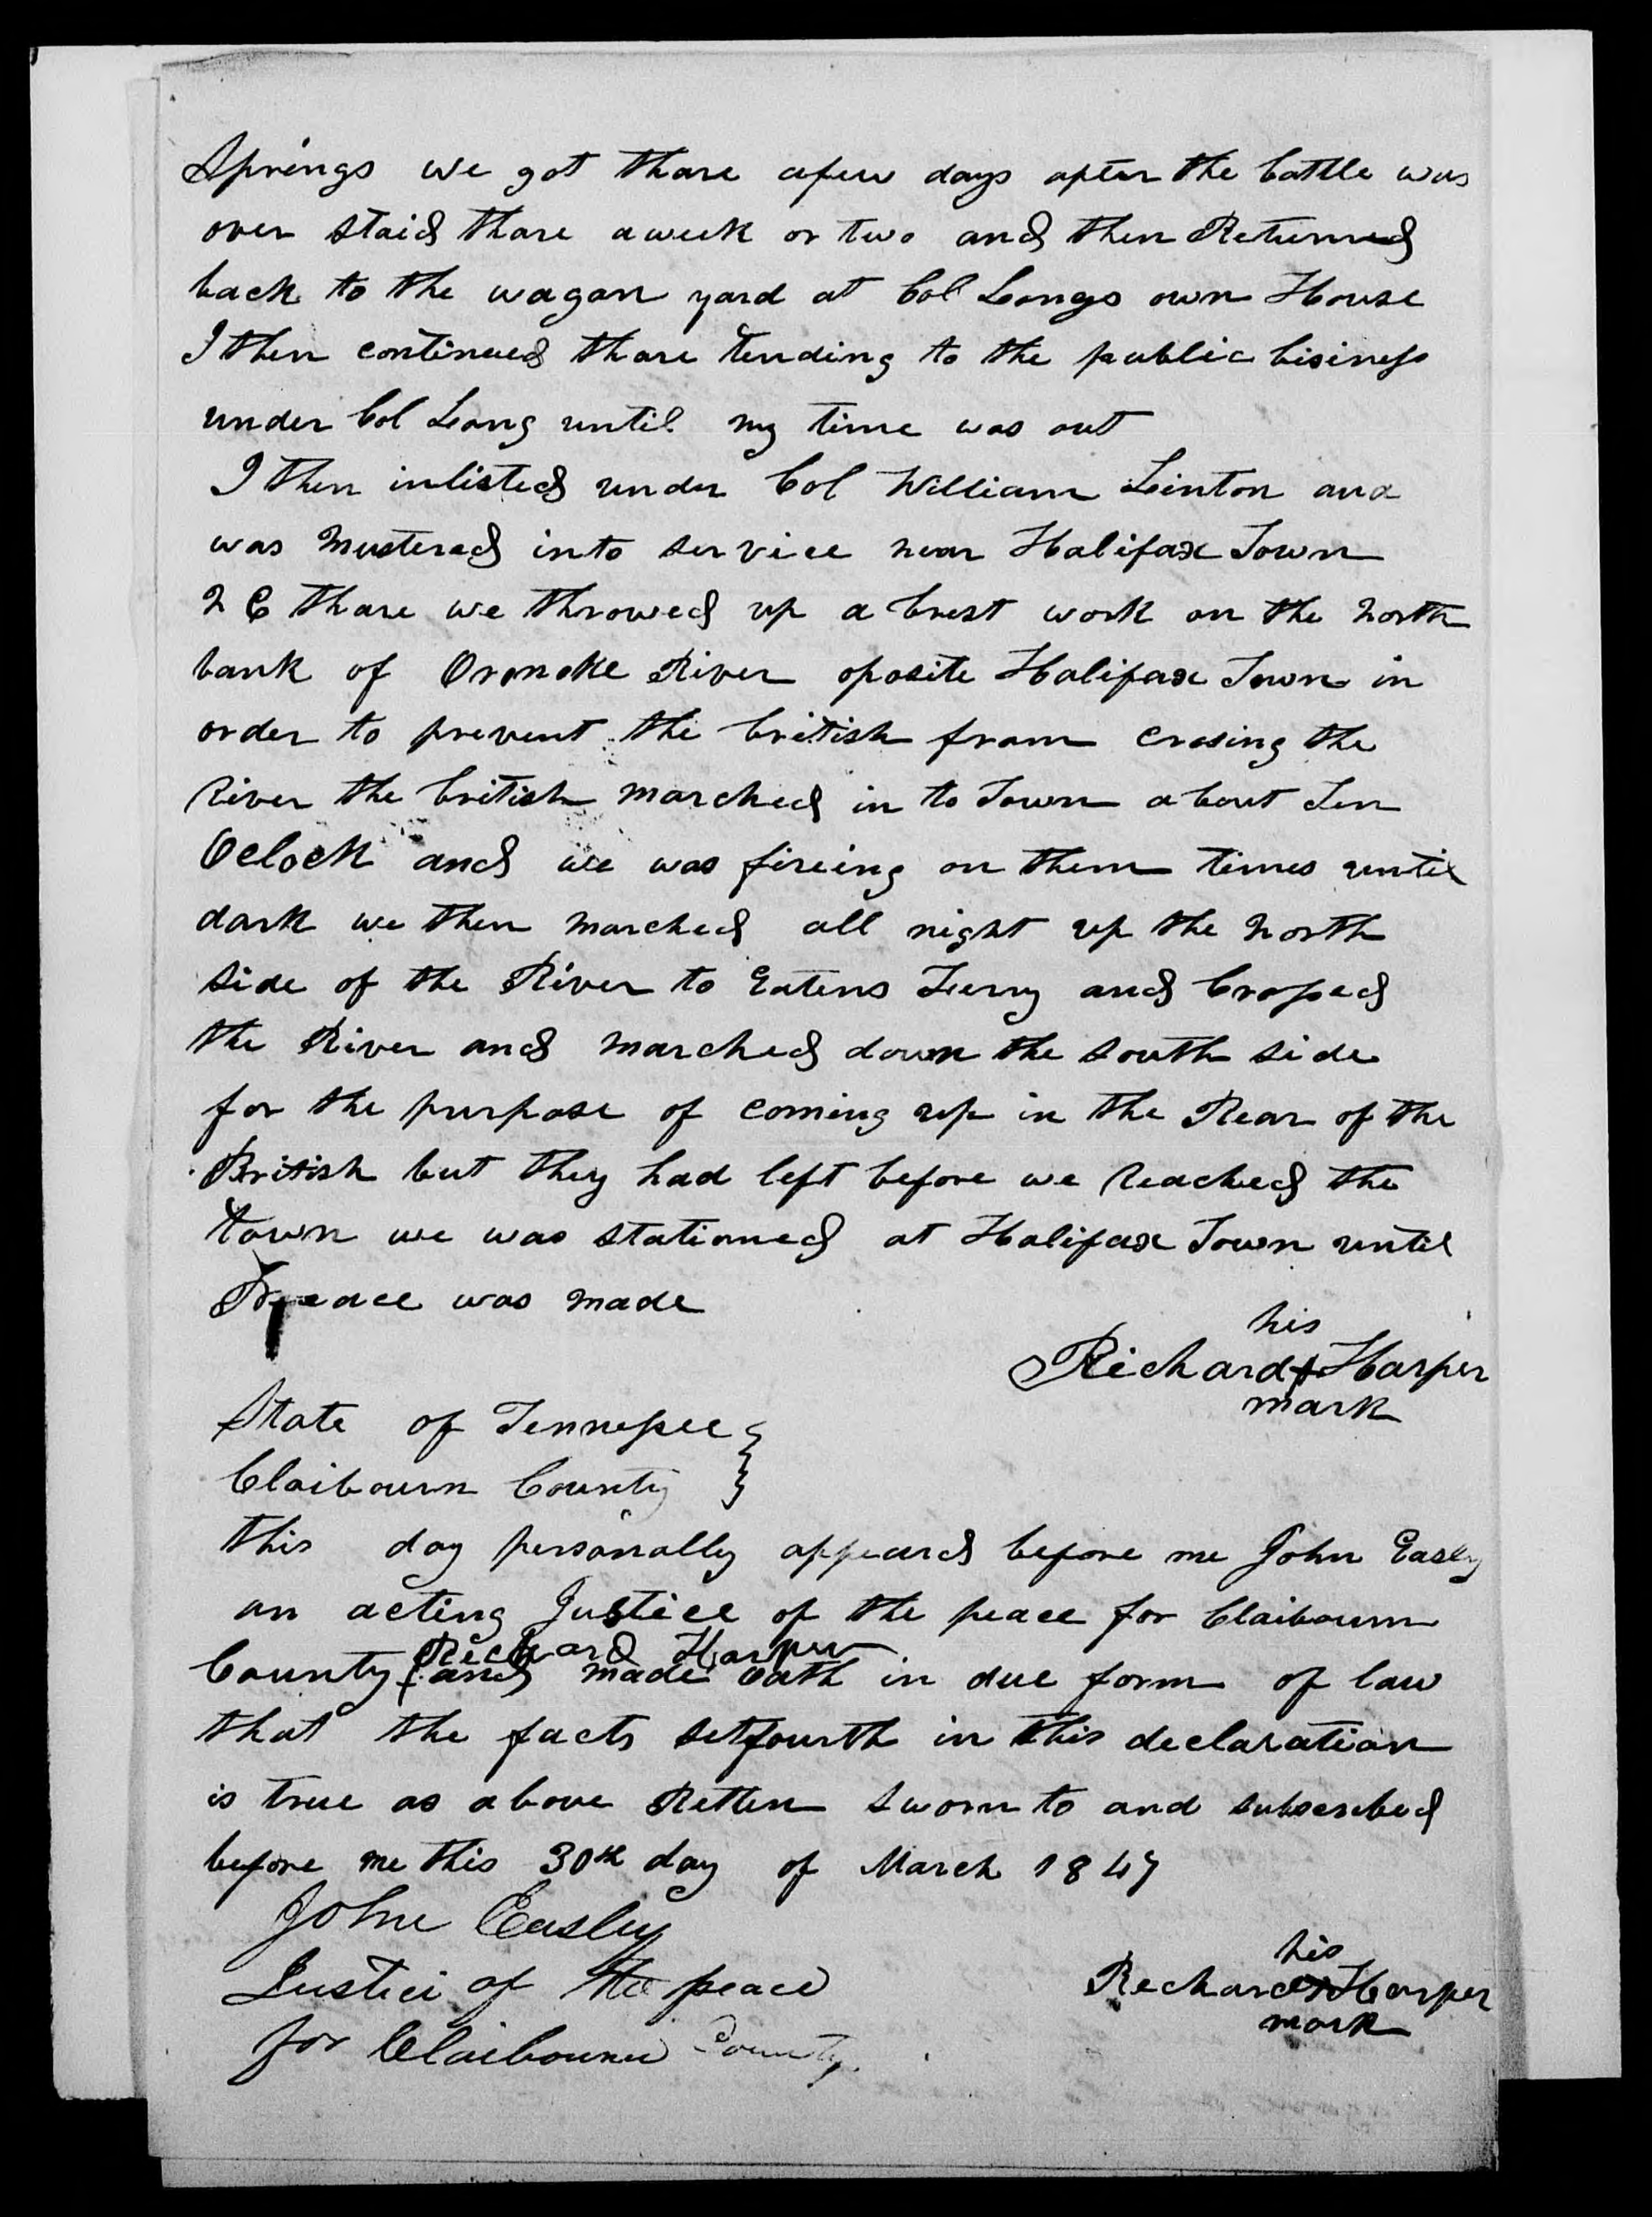Springs we got there after days after the battle was
over staid there a week or two and then returned
back to the wagon yard at Col Longs own House
I then continued there tending to the public business
under Col Long until my time was out
I then enlisted under Col William Linton and
was mustered into service near Halifax Town
2 C thare we throwed up a brest work on the North
bank of Ormoke [Roanoke]River opposite Halifax Town in
order to prevent the british from crossing the
River the british marched into Town about ten
OClock and we was firing on them times until
dark we then marched all night up the North
side of the River to Eatens Ferry and crossed
the River and marched down the south side
for the purpose of coming up in the Rear of the
British but they had left before we reached the
town we was stationed at Halifax Town until
Peace was made

Richard Harper x his mark

State of Tennessee
Claiborn [Claiborne] County
this day personally appeared before me John Easely
an acting Justice of the peace for Claiborne
County and Richard Harper made oath in due form of law
that the facts set fourth in this declaration
is true as above ritten Sworn to and subscribed
before me this 30th day of March 1847
John Easley
Justice of the peace
for Claiborne County

Richard Harper x his mark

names: Richard Harper, Richard Harper, Long, John Easley, William Linton, Richard Harper, John Easley, Long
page: 61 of 81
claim: survivor's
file: S. 1908, Richard Harper, N.C.